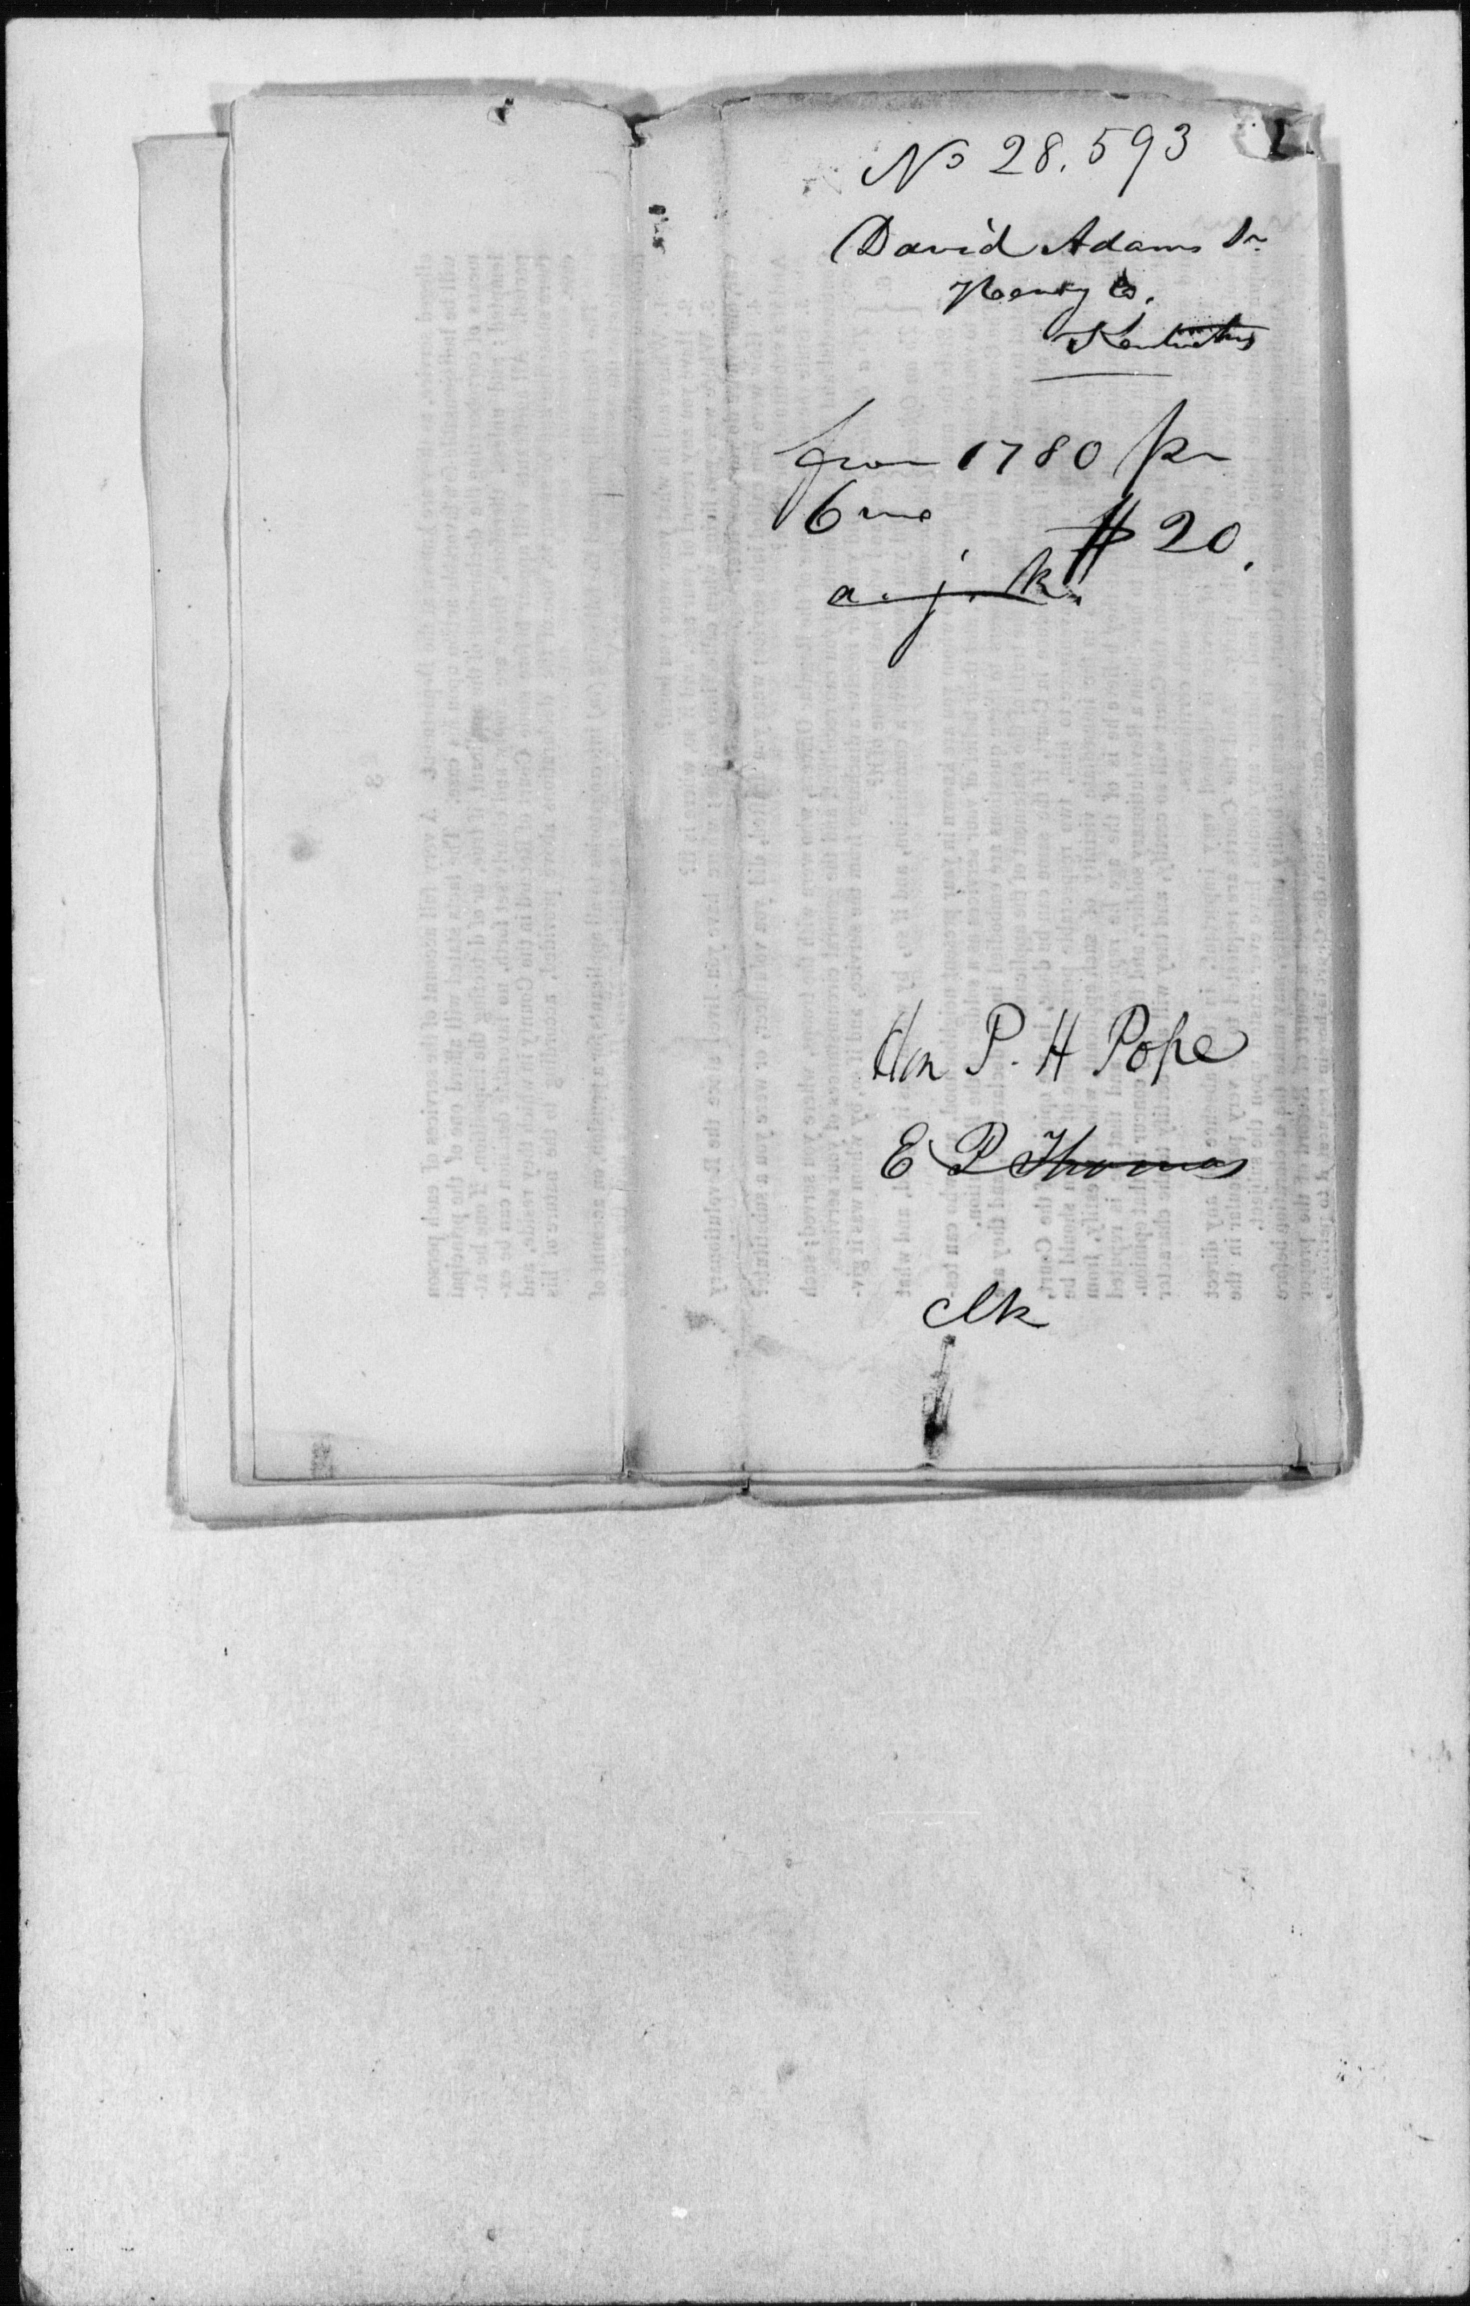[All Handwritten]

No 28,593
David Adams Sr.
Henry Co. Kentucky

from 1780 for 6 mo $20

a.j.k. [crossed out]

Hon P.H Pope

E P Thomas [crossed out]

clk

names: P H Pope, E P Thomas, David Adams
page: 7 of 13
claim: survivor's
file: S 30,815, David Adams, Penn.